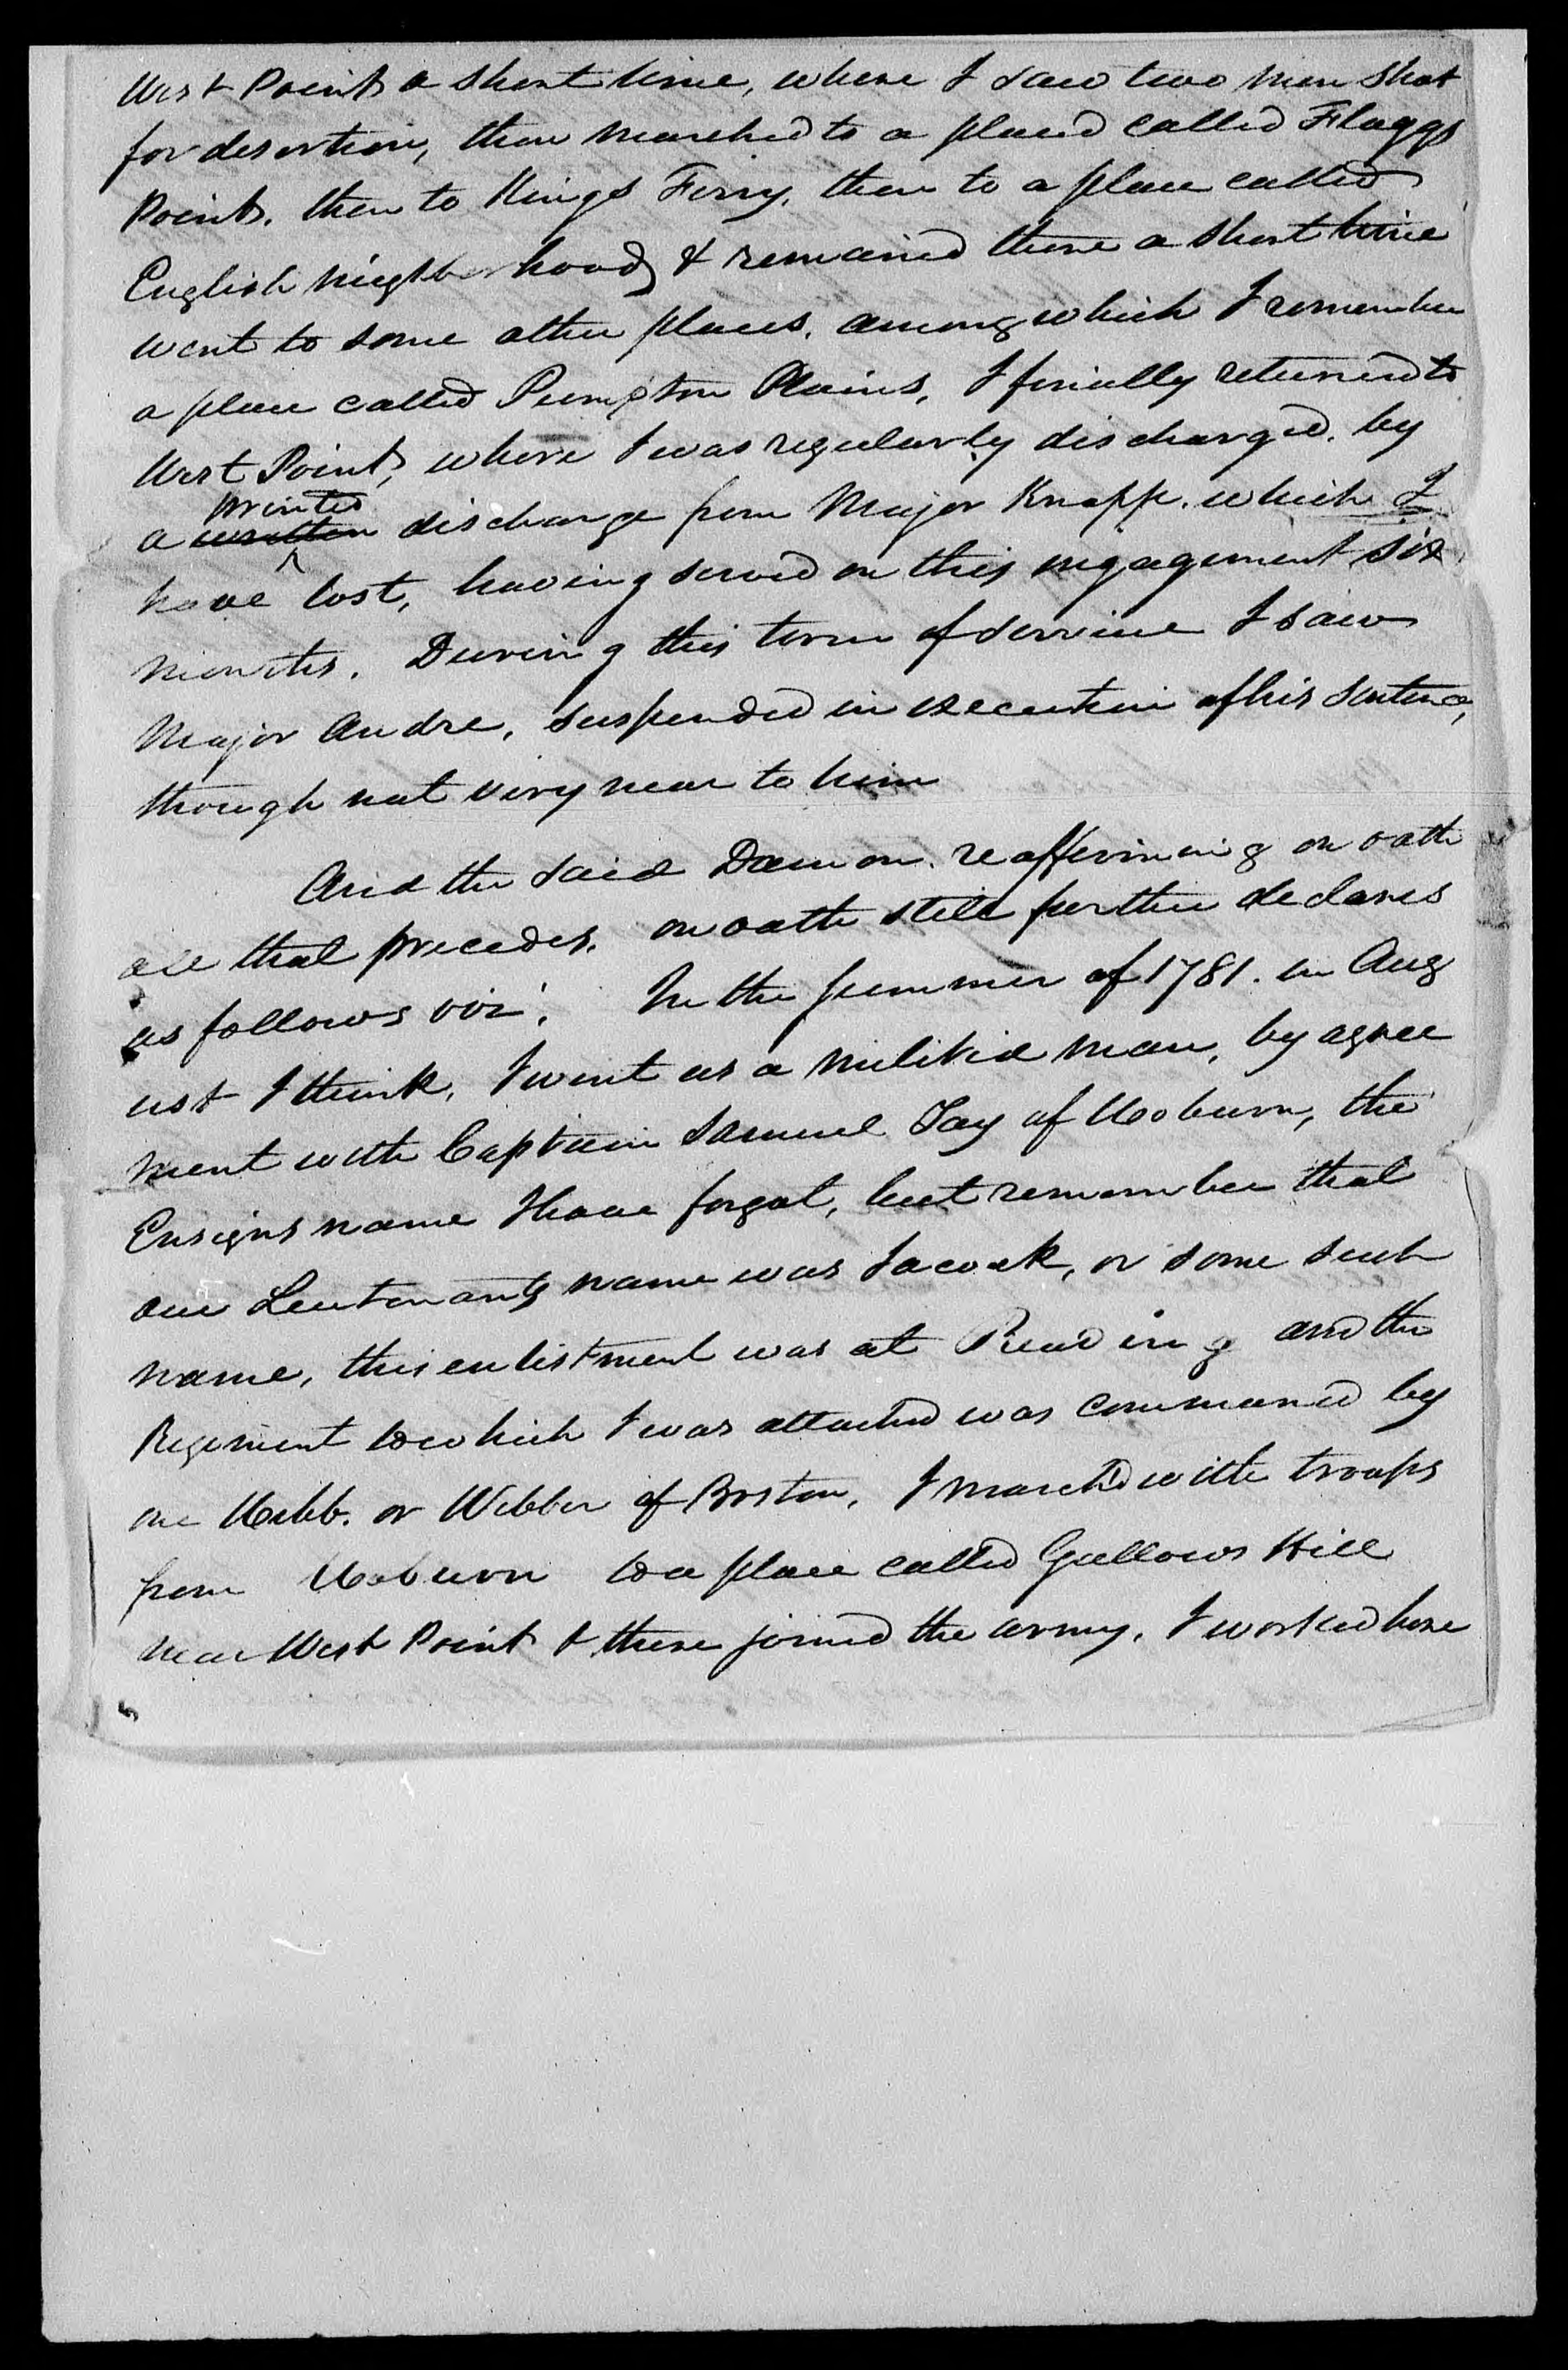West Point a short time, where I saw two men shot for desertion, then marched to a place called Flaggs Point, then to Kings Ferry, then to a place called English neighborhood & remained there a short time went to some other places, among which I remember a place called Pompton Plains. I finally returned to West Point where I was regularly discharged by a written discharge from Major Knapp which I have lost, having served on this engagement six months. During this term of service I saw Major Andre suspended in execution of his sentence, though not very near to him.

And the said Damon reaffirming on oath all that preceded. on oath still further declares as follows, viz. In the summer of 1781 in August I think, I went as a Militia man, by agreement with Captain Samuel Tay of Woburn, the Ensign's name I have forgot, but remember that our Lieutenant's name was Jacock, or some such name, this enlistment was at Reading and the Regiment to which I was attached was commanded by one Webb or Webber of Boston. I marched with troops from Woburn to a place called Gallows Hill near West Point & there joined the army. I worked here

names: Webber, Knapp, Jacock, Samuel Tay, Webb, Damon, Andre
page: 7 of 28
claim: survivor's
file: S. 17376, Joseph Damon, Continental Mass.